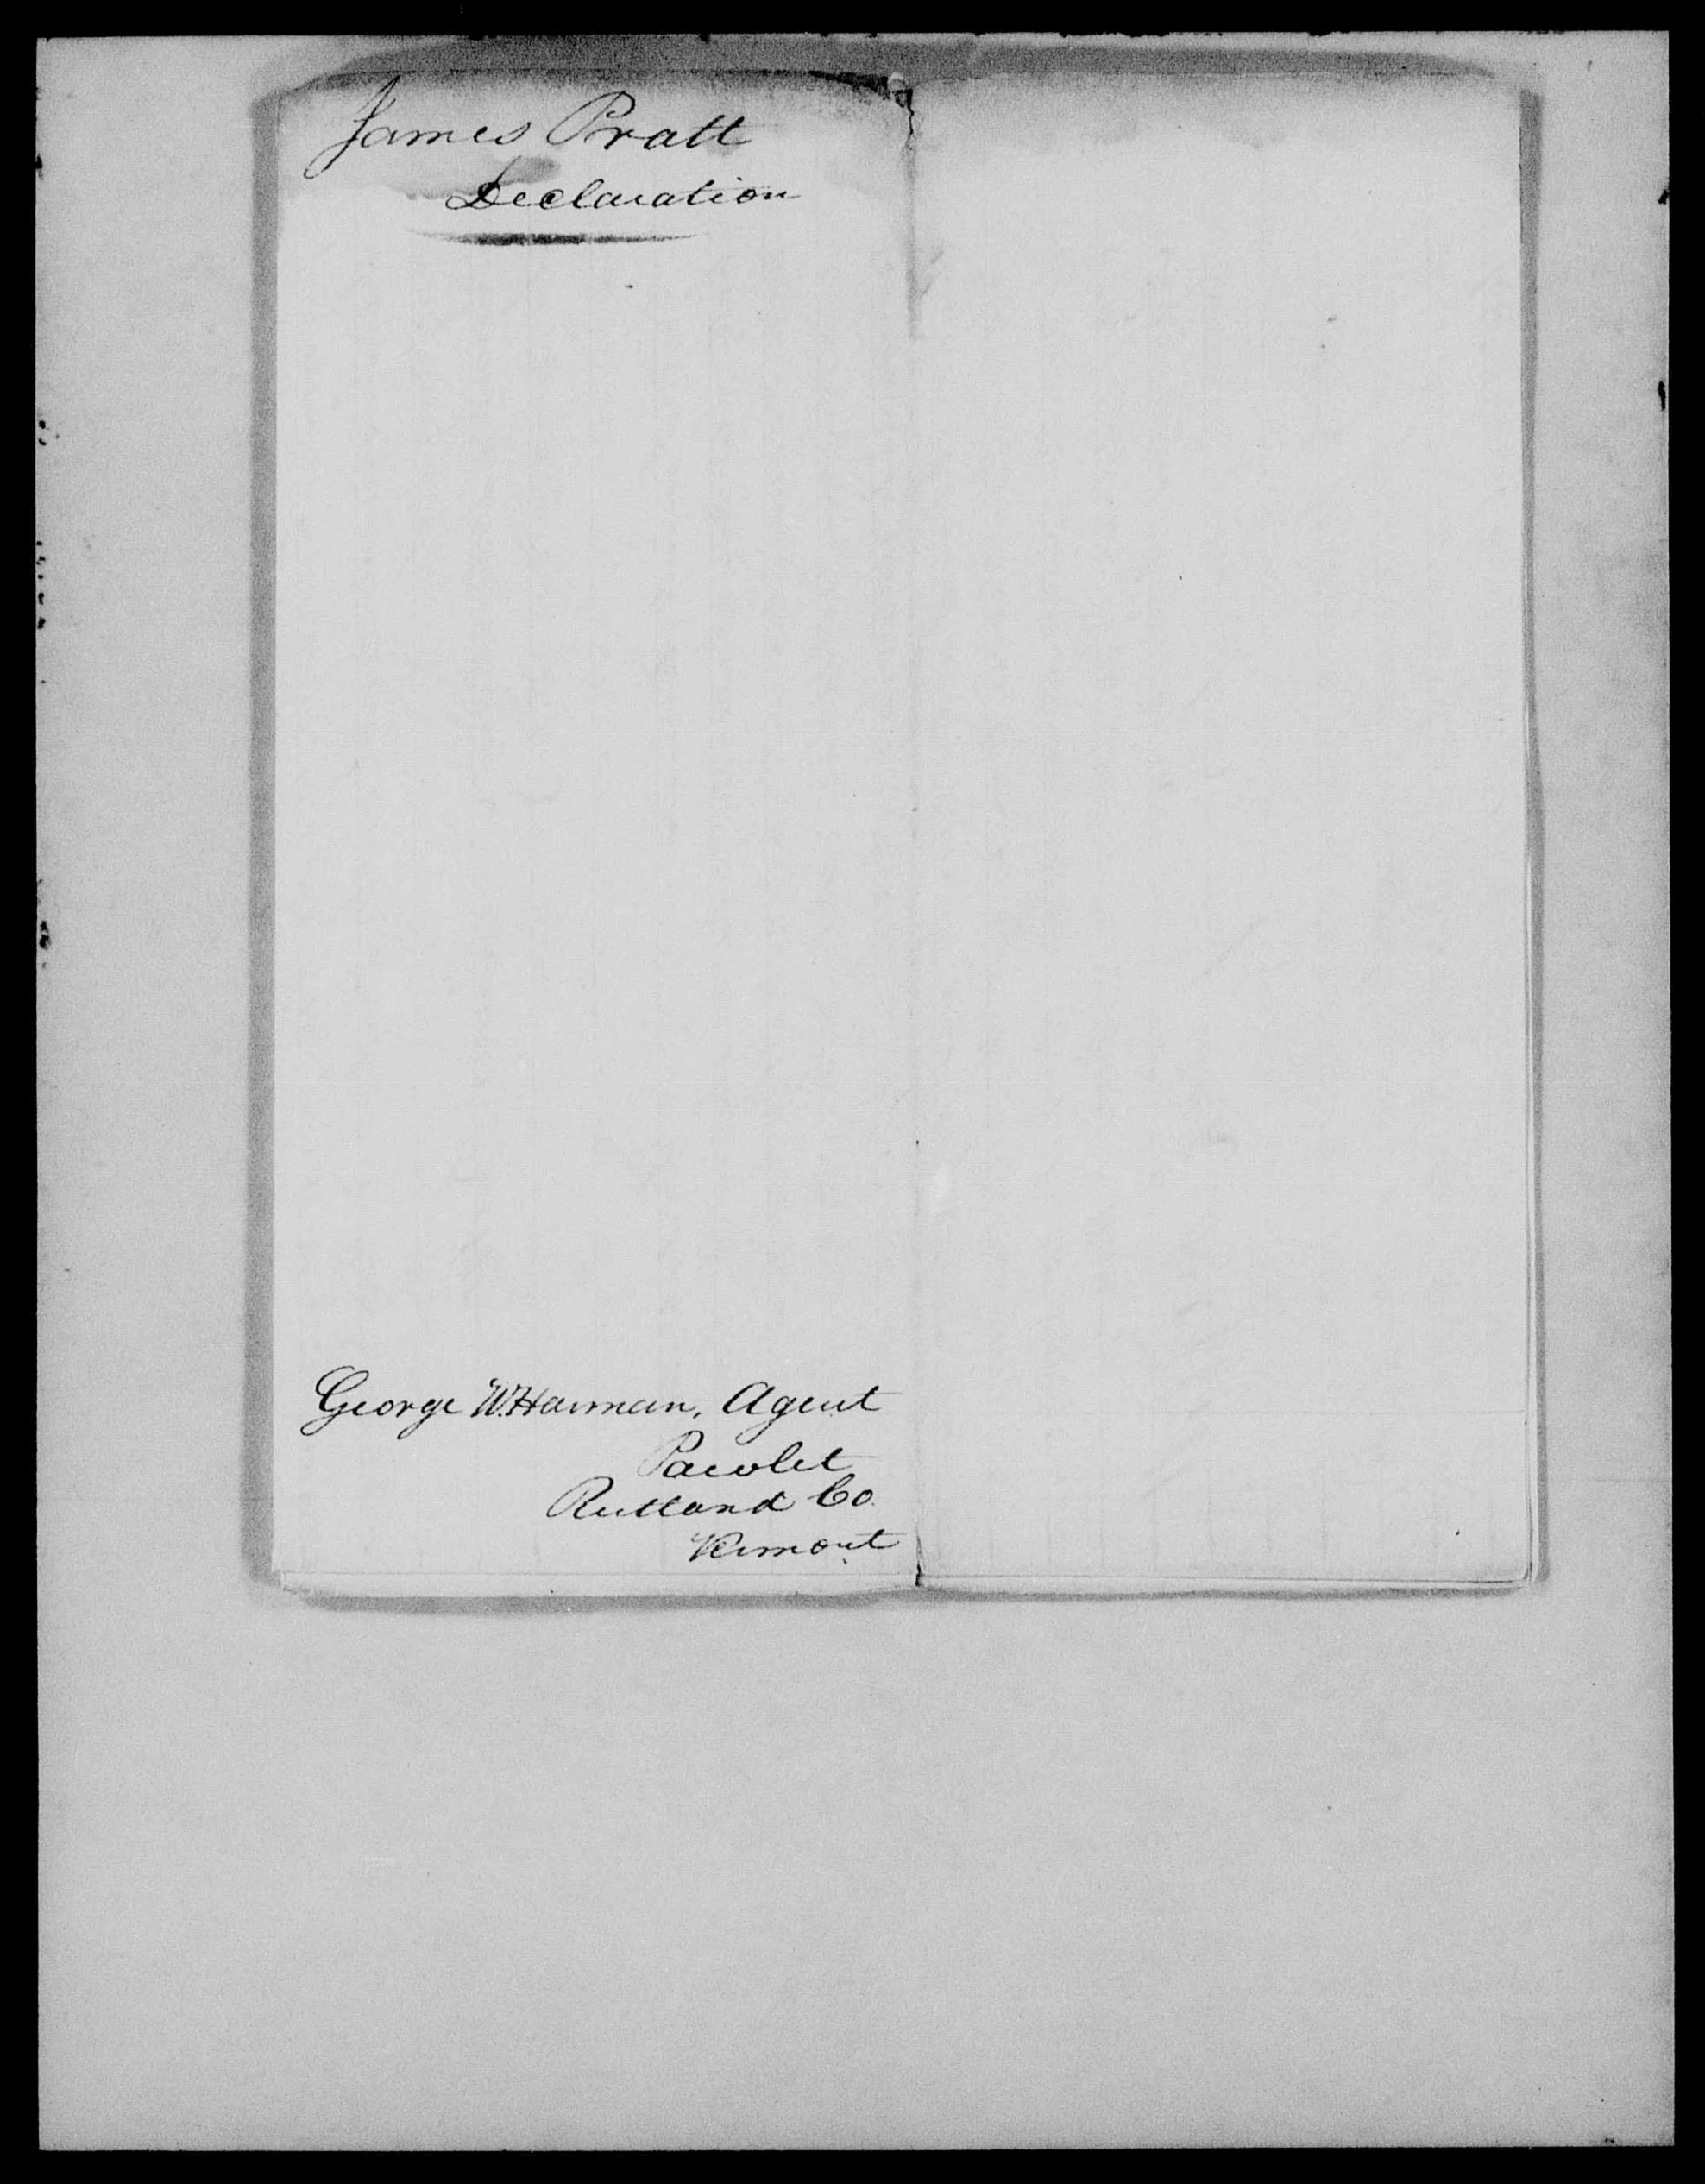James Pratt
Declaration
George W. Harman, Agent
Pawlet
Rutland Co
Vermont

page: 18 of 29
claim: survivor's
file: S. 14,222, for James Pratt, Vermont